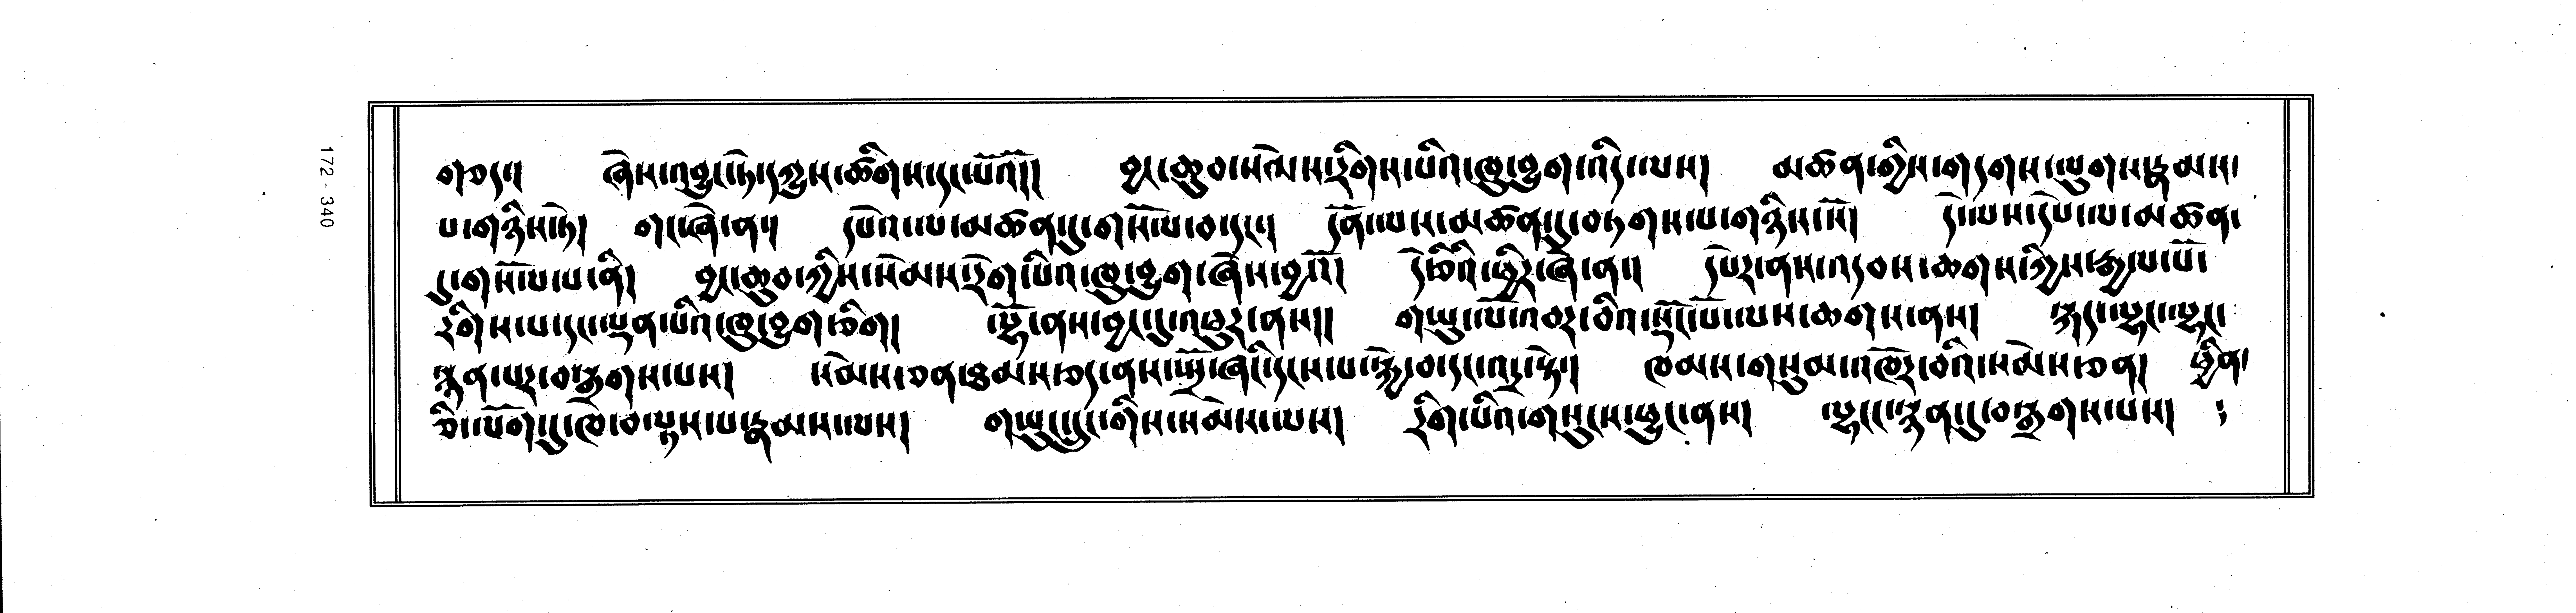གཅད། ཞེས་འབྱུང་ཏེ་དཀྱུས་ཚིགས་དང་པོའོ། བྱང་ཆུབ་སེམས་རིག་པའི་ཁུ་བྱུག་འདི་ལས། མཚན་གྱིས་གདགས་ལུགས་རྣམ་
པ་གཉིས་ཏེ། གང་ཞེ་ན། དཔེའ་ལ་མཚན་དུ་གསོལ་བ་དང་། དོན་ལས་མཚན་དུ་བཏགས་པ་གཉིས་སོ། དེ་ལས་དཔེ་ལ་མཚན་
དུ་གསོལ་པ་ནི། བྱང་ཆུབ་ཀྱིས་སེམས་རིག་པའི་ཁུ་བྱུག་ཞེས་བྱའོ། དེ་ཅིའི་ཕྱིར་ཞེ་ན། དཔེར་ནས་འདབས་ཆགས་ཀྱིས་རྒྱལ་པོ་
རིག་པ་དང་ལྡན་པའི་ཁུ་བྱུག་ཅིག ལྷོ་ནས་བྱང་དུ་འཕུར་ནས། གཡུ་ལོ་འབར་བའི་སྡོང་པོ་ལས་ཆགས་ནས། སྐད་ལྷང་ལྷང་
སྙན་པར་བསྒྲགས་པས། སེམས་ཅན་ཐམས་ཅད་ནས་སྤྲོ་ཞིང་དྭངས་བ་སྐྱེ་བ་དང་འདྲ་སྟེ། ཁམས་གསུམ་འཁོར་བའི་སེམས་ཅན། ཕྱིན་
ཅི་ལོག་དུ་ཁ་བལྟས་པ་རྣམས་ལས། གཡུང་དྲུང་གིས་སེམས་ལས། རིག་པའི་གསུངས་ཕྱུང་ནས། ལྷང་ལྷང་སྙན་དུ་བསྒྲགས་པས།